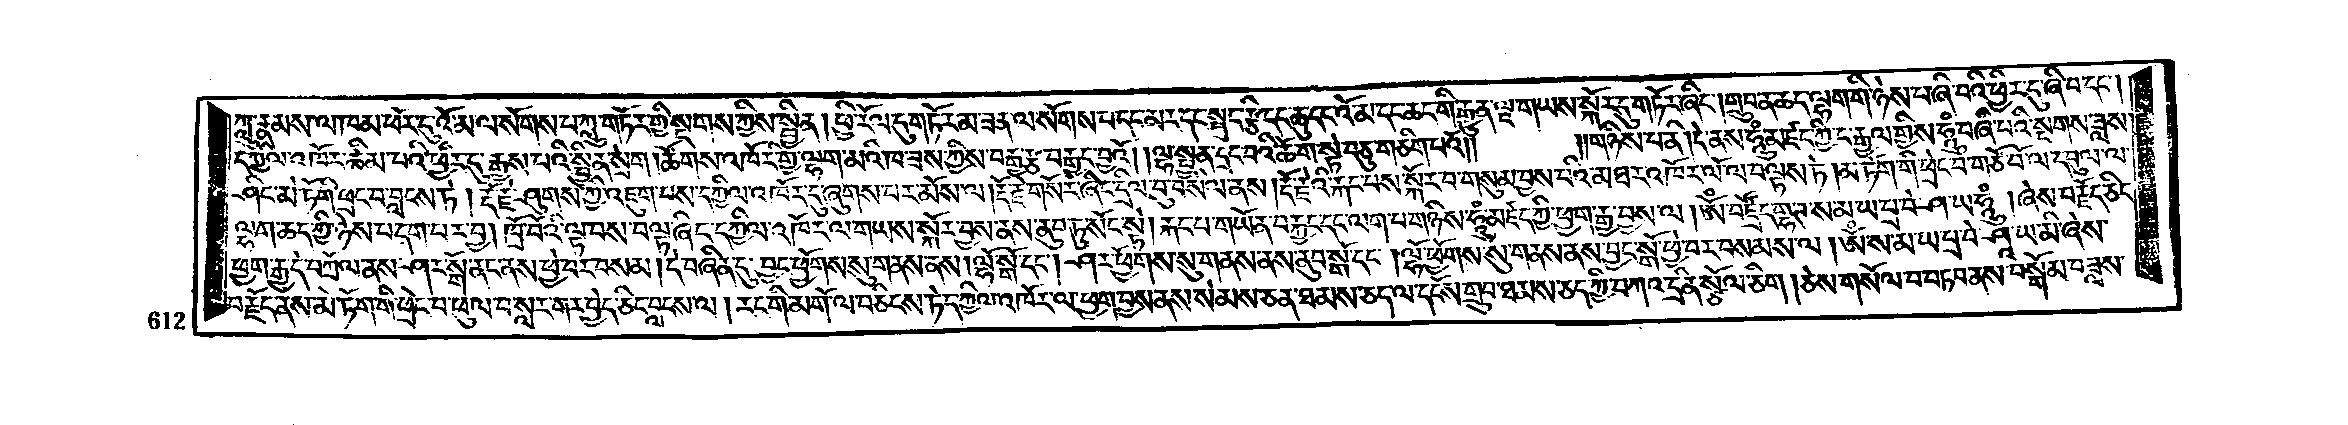ཀླུ་རྣམས་ལ་ཁམ་ཕོར་དུ་འོ་མ་ལ་སོགས་པ་ཀླུ་གཏོར་གྱི་སྔགས་ཀྱིས་སྦྱིན། ཕྱི་རོལ་དུ་གཏོར་མ་ཟན་ལ་སོགས་པ་དང་མར་དང་སྦྲང་རྩི་དང་ཆུ་དང་འོ་མ་དང་ཆང་གི་རྒྱུན་ལྔ་གཡས་སྐོར་དུ་གཏོར་ཞིང་། གྲུབ་ན་ཆད་ལྷག་གི་ཉེས་པ་ཞི་བའི་ཕྱིར་དུ་ཞི་བ་དང་།
དཀྱིལ་འཁོར་ཚིམ་པའི་ཕྱིར་དུ་རྒྱས་པའི་སྦྱིན་སྲེག །ཚོགས་འཁོར་གྱི་ལྷག་མའི་ཁ་ཟས་ཀྱིས་བརྒྱ་རྩ་བརྒྱད་བྱའོ། །ལྷ་སྤྱན་དྲང་བའི་ཆོ་ག་སྟེ་བཅུ་གཅིག་པའོ།། །།གཉིས་པ་ནི། དེ་ནས་ཧཱུཾ་མཛད་ཀྱི་ང་རྒྱལ་གྱིས་ཧཱུཾ་བཞི་པའི་སྔགས་ཟླས་
ཤིང་མེ་ཏོག་གི་ཕྲེང་བ་བླངས་ཏེ། རྡོ་རྗེ་ཤུགས་ཀྱི་འཇུག་པས་དཀྱིལ་འཁོར་དུ་ཞུགས་པར་མོས་ལ། རྡོ་རྗེ་གསོར་ཞིང་དྲིལ་བུ་བསིལ་ནས། རྡོ་རྗེའི་རྐང་པས་སྐོར་བ་གསུམ་བྱས་པའི་མཐར་འཁོར་ལོ་ལ་བལྟས་ཏེ། མེ་ཏོག་གི་ཕྲེང་བ་གཙོ་བོ་ལ་དབུལ་ལ་
ལྷག་ཆད་ཀྱི་ཉེས་པ་དག་པར་བྱ། ཁྲོ་བོའི་ལྟ་བས་བལྟ་ཞིང་དཀྱིལ་འཁོར་ལ་གཡས་སྐོར་བྱས་ནས་ནུབ་ཏུ་སོང་སྟེ། རྐང་པ་གཡོན་བརྐྱང་དང་ལག་པ་གཉིས་ཧཱུཾ་མཛད་ཀྱི་ཕྱག་རྒྱ་བྱས་ལ། ཨོཾ་བཛྲོད་གྷ་ཊ་ས་མ་ཡ་པྲ་བེ་ཤ་ཡ་ཧཱུཾ། ཞེས་བརྗོད་ཅིང་
ཕྱག་རྒྱ་དེ་བཀྲོལ་ནས་ཤར་སྒོ་ནང་ནས་ཕྱེ་བར་བསམ། དེ་བཞིན་དུ་བྱང་ཕྱོགས་སུ་གནས་ནས། ལྷོ་སྒོ་དང་། ཤར་ཕྱོགས་སུ་གནས་ནས་ནུབ་སྒོ་དང་། ལྷོ་ཕྱོགས་སུ་གནས་ནས་བྱང་སྒོ་ཕྱེ་བར་བསམས་ལ། ཨོཾ་ས་མ་ཡ་པྲ་བེ་ཤཱ་ཡ་མི་ཞེས་
བརྗོད་ནས་མེ་ཏོག་གི་ཕྲེང་བ་ཕུལ་བ་སླར་གར་བྱེད་ཅིང་བླངས་ལ། རང་གི་མགོ་ལ་བཅིངས་ཏེ་དཀྱིལ་འཁོར་ལ་ཕྱག་བྱས་ནས་སེམས་ཅན་ཐམས་ཅད་ལ་དངོས་གྲུབ་ཐམས་ཅད་ཀྱི་བཀའ་དྲིན་སྩོལ་ཅིག །ཅེས་གསོལ་བ་བཏབ་ནས་བསྒོམ་བཟླས་